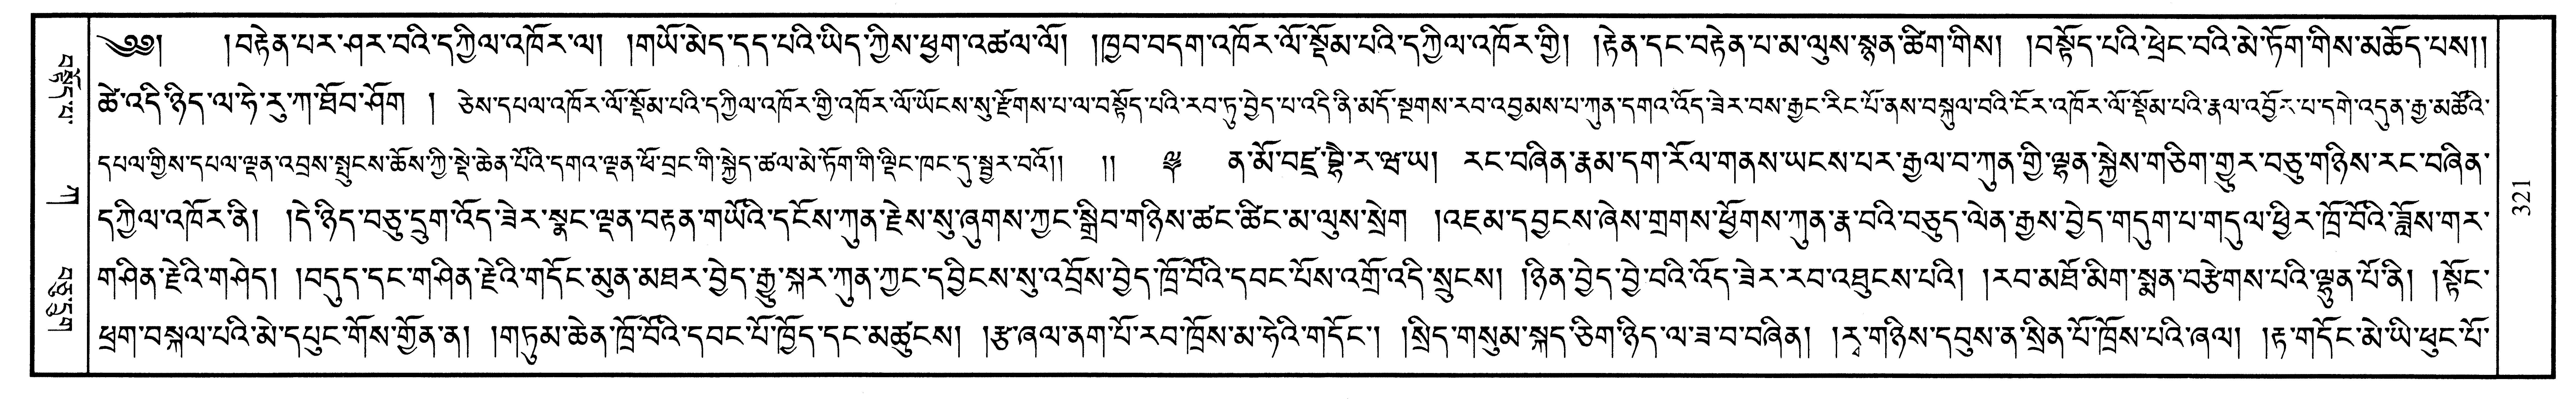༄༅། །བརྟེན་པར་ཤར་བའི་དཀྱིལ་འཁོར་ལ། །གཡོ་མེད་དད་པའི་ཡིད་ཀྱིས་ཕྱག་འཚལ་ལོ། །ཁྱབ་བདག་འཁོར་ལོ་སྡོམ་པའི་དཀྱིལ་འཁོར་གྱི། །རྟེན་དང་བརྟེན་པ་མ་ལུས་སྙན་ཚིག་གིས། །བསྟོད་པའི་ཕྲེང་བའི་མེ་ཏོག་གིས་མཆོད་པས།།
ཚེ་འདི་ཉིད་ལ་ཧེ་རུ་ཀ་ཐོབ་ཤོག །ཅེས་དཔལ་འཁོར་ལོ་སྡོམ་པའི་དཀྱིལ་འཁོར་གྱི་འཁོར་ལོ་ཡོངས་སུ་རྫོགས་པ་ལ་བསྟོད་པའི་རབ་ཏུ་བྱེད་པ་འདི་ནི་མདོ་སྔགས་རབ་འབྱམས་པ་ཀུན་དགའ་འོད་ཟེར་བས་རྒྱང་རིང་པོ་ནས་བསྐུལ་བའི་ངོར་འཁོར་ལོ་སྡོམ་པའི་རྣལ་འབྱོར་པ་དགེ་འདུན་རྒྱ་མཚོའི་
དཔལ་གྱིས་དཔལ་ལྡན་འབྲས་སྤུངས་ཆོས་ཀྱི་སྡེ་ཆེན་པོའི་དགའ་ལྡན་ཕོ་བྲང་གི་སྐྱེད་ཚལ་མེ་ཏོག་གི་ལྡིང་ཁང་དུ་སྦྱར་བའོ།། །། ༈ ན་མོ་བཛྲ་བྷཻ་ར་ཝ་ཡ། རང་བཞིན་རྣམ་དག་རོལ་གནས་ཡངས་པར་རྒྱལ་བ་ཀུན་གྱི་ལྷན་སྐྱེས་གཅིག་གྱུར་བཅུ་གཉིས་རང་བཞིན་
དཀྱིལ་འཁོར་ནི། །དེ་ཉིད་བཅུ་དྲུག་འོད་ཟེར་སྣང་ལྡན་བརྟན་གཡོའི་དངོས་ཀུན་རྗེས་སུ་ཞུགས་ཀྱང་སྒྲིབ་གཉིས་ཚང་ཚིང་མ་ལུས་སྲེག །འཇམ་དབྱངས་ཞེས་གྲགས་ཕྱོགས་ཀུན་རྣ་བའི་བཅུད་ལེན་རྒྱས་བྱེད་གདུག་པ་གདུལ་ཕྱིར་ཁྲོ་བོའི་ཟློས་གར་
གཤིན་རྗེའི་གཤེད། །བདུད་དང་གཤིན་རྗེའི་གདོང་མུན་མཐར་བྱེད་རྒྱུ་སྐར་ཀུན་ཀྱང་དབྱིངས་སུ་འབྲོས་བྱེད་ཁྲོ་བོའི་དབང་པོས་འགྲོ་འདི་སྲུངས། །ཉིན་བྱེད་བྱེ་བའི་འོད་ཟེར་རབ་འཐུངས་པའི། །རབ་མཐོ་མིག་སྨན་བརྩེགས་པའི་ལྷུན་པོ་ནི། །སྟོང་
ཕྲག་བསྐལ་པའི་མེ་དཔུང་གོས་གྱོན་ན། །གཏུམ་ཆེན་ཁྲོ་བོའི་དབང་པོ་ཁྱོད་དང་མཚུངས། །རྩ་ཞལ་ནག་པོ་རབ་ཁྲོས་མ་ཧེའི་གདོང་། །སྲིད་གསུམ་སྐད་ཅིག་ཉིད་ལ་ཟ་བ་བཞིན། །རྭ་གཉིས་དབུས་ན་སྲིན་པོ་ཁྲོས་པའི་ཞལ། །རྟ་གདོང་མེ་ཡི་ཕུང་པོ་